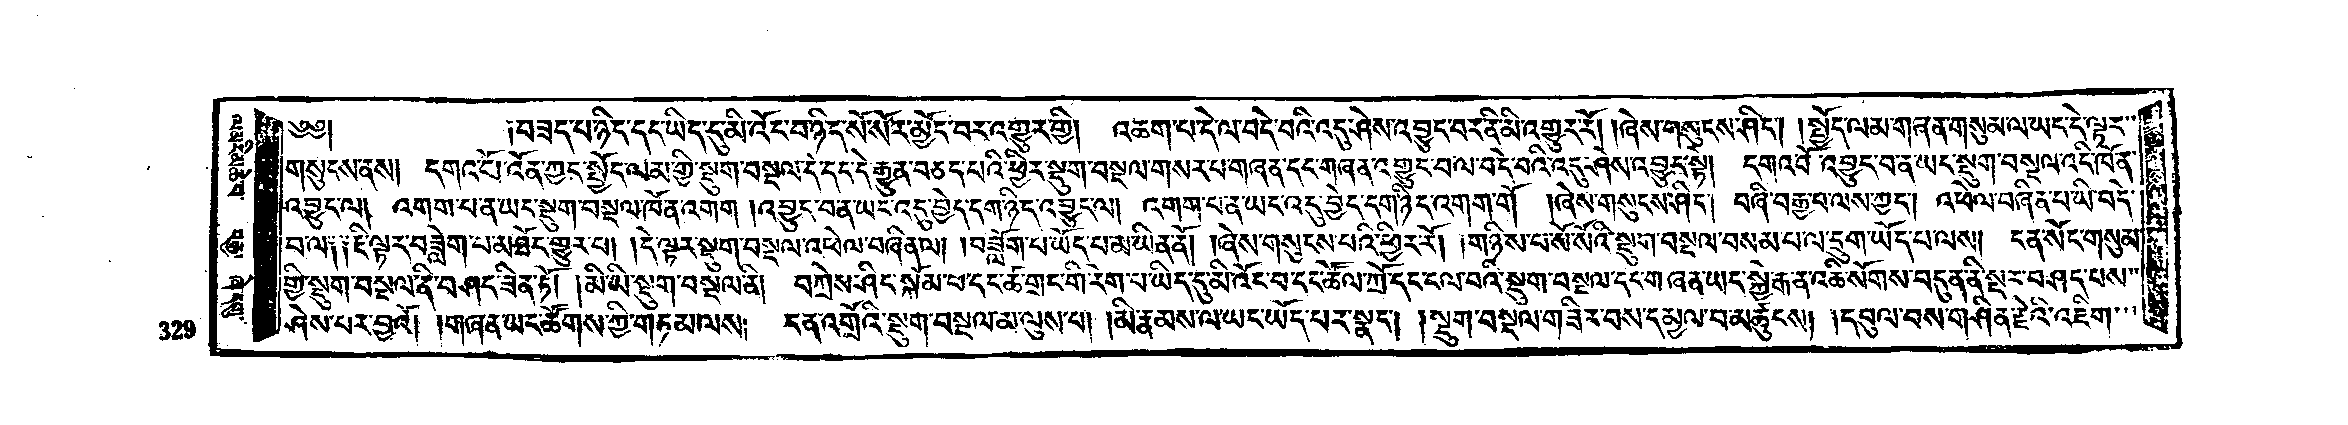༄༅། །བཟད་པ་ཉིད་དང་ཡིད་དུ་མི་འོང་བ་ཉིད་སོ་སོར་མྱོང་བར་འགྱུར་གྱི། འཆག་པ་དེ་ལ་བདེ་བའི་འདུ་ཤེས་འབྱུང་བར་ནི་མི་འགྱུར་རོ། །ཞེས་གསུངས་ཤིང་། སྤྱོད་ལམ་གཞན་གསུམ་ལ་ཡང་དེ་ལྟར་
གསུངས་ནས། དགའ་བོ། འོན་ཀྱང་སྤྱོད་ལམ་གྱི་སྡུག་བསྔལ་དེ་དང་དེ་རྒྱུན་བཅད་པའི་ཕྱིར་སྡུག་བསྔལ་གསར་པ་གཞན་དང་གཞན་འབྱུང་བ་ལ་བདེ་བའི་འདུ་ཤེས་འབྱུང་སྟེ། དགའ་བོ། འབྱུང་བ་ན་ཡང་སྡུག་བསྔལ་འདི་ཁོ་ན་
འབྱུང་ལ། འགག་པ་ན་ཡང་སྡུག་བསྔལ་ཁོ་ན་འགག །འབྱུང་བ་ན་ཡང་འདུ་བྱེད་དག་ཉིད་འབྱུང་ལ། འགག་པ་ན་ཡང་འདུ་བྱེད་དག་ཉིད་འགག་གོ། །ཞེས་གསུངས་ཤིང་། བཞི་བརྒྱ་པ་ལས་ཀྱང་། འཕེལ་བཞིན་པ་ཡི་བདེ་
བ་ལ༑ ༑ཇི་ལྟར་བཟློག་པ་མཐོང་གྱུར་པ། །དེ་ལྟར་སྡུག་བསྔལ་འཕེལ་བཞིན་ལ། །བཟློག་པ་ཡོད་པ་མ་ཡིན་ནོ། །ཞེས་གསུངས་པའི་ཕྱིར་རོ། །གཉིས་པ་སོ་སོའི་སྡུག་བསྔལ་བསམ་པ་ལ་དྲུག་ཡོད་པ་ལས། ངན་སོང་གསུམ་
གྱི་སྡུག་བསྔལ་ནི་བཤད་ཟིན་ཏོ། །མི་ཡི་སྡུག་བསྔལ་ནི། བཀྲེས་ཤིང་སྐོམ་པ་དང་ཚ་གྲང་གི་རེག་པ་ཡིད་དུ་མི་འོང་བ་དང་ཚོལ་ཀྲོ་དང་ངལ་བའི་སྡུག་བསྔལ་དང་གཞན་ཡང་སྐྱེ་རྒ་ན་འཆི་སོགས་བདུན་ནི་སྔར་བཤད་པས་
ཤེས་པར་བྱའོ། །གཞན་ཡང་ཚོགས་ཀྱི་གཏམ་ལས། ངན་འགྲོའི་སྡུག་བསྔལ་མ་ལུས་པ། །མི་རྣམས་ལ་ཡང་ཡོད་པར་སྣང་། །སྡུག་བསྔལ་གཟིར་བས་དམྱལ་བ་མཚུངས། །དབུལ་བས་གཤིན་རྗེའི་འཇིག་